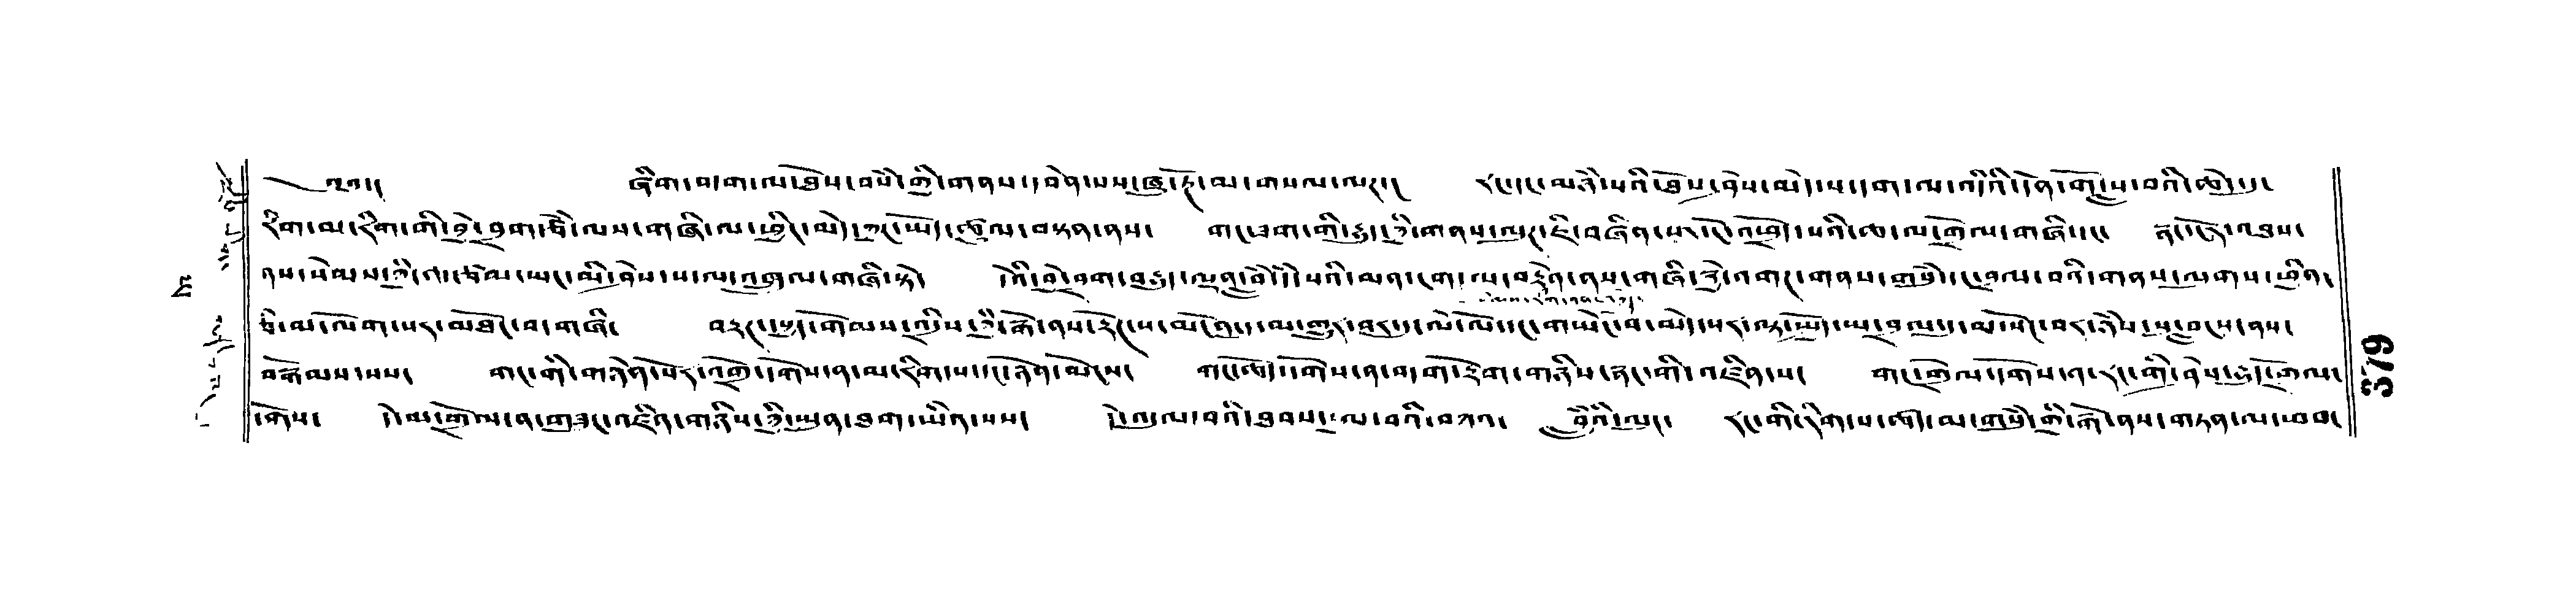ཞིག་བདག་ལ་ཐོས་བསམ་གྱི་གནས་དབེན་པས་ཞུ་རྔོ་མ་གསལ་ལགས། རང་དང་མཉམ་པའི་ཐོས་ཤེས་མེད་པ་དག་ལ་འདིའི་དོན་གོ་སླ་བའི་ཆེད་དུ་
རིག་མ་རིག་གི་བྱེ་བྲག་ཙམ་ལས་གཞི་ལ་ཕྱི་ནང་མེད་ཀྱང་ཡོད་ཚུལ་བསྟན་ནས། གང་ཟག་གི་རྒྱུད་ཀྱི་གནས་ལུགས་ཇི་བཞིན་པར་ངོ་འཕྲོད་པའི་ཆ་ལ་གྲོལ་གཞི་དང་། སྣང་ངོར་འཐས་
ནས་སེམས་ཀྱི་ཆ་ཙམ་ཡང་མི་ཤེས་པ་ལ་འཁྲུལ་གཞི་སྟེ། དེའི་བྱེ་བྲག་བརྒྱུད་ལྡན་བླ་མ་དམ་པའི་མན་ངག་ལ་བརྟེན་ནས་གཞི་སྐྱེ་འགགས་གནས་གསུམ་དང་བྲལ་བའི་གནས་ལུགས་ཕྱིན་
ཅི་མ་ལོག་པར་མཐོང་བ་གཞི། བརྟགས་དཔྱད་གོམས་འདྲིས་ཀྱི་སྒོ་ནས་རྟོགས་པ་མངོན་དུ་མ་གྱུར་བར་དུ་ལེ་ལོ་དང་གཡེང་བ་མེད་པར་ལྟ་སྤྱོད་ཡ་བྲལ་དུ་མ་སོང་བར་ཉམས་སུ་བླངས་ནས་
བསྒོམ་པས། གང་གི་གཉེན་པོར་འགྲོ་དགོས་ན་མ་རིག་པ་དང་ཉོན་མོངས། གང་ཆོད་དགོས་ན་བདག་རྟོག་གཉིས་སྣང་གི་འཛིན་པ། གང་གྲོལ་དགོས་ན་རང་གི་ཤེས་རྒྱུད་གྲོལ་
དགོས། དེ་མ་གྲོལ་ན་གཟུང་འཛིན་གཉིས་ཀྱི་སྤུན་ཐག་ཡིན་པས། དེ་འདུལ་བའི་ཐབས་རྒྱལ་བའི་བཀའ། བླ་མའི་ལུང་། རང་གི་རིག་པ་ཚད་མ་གསུམ་གྱི་སྒོ་ནས་གཏན་ལ་ཕབ་